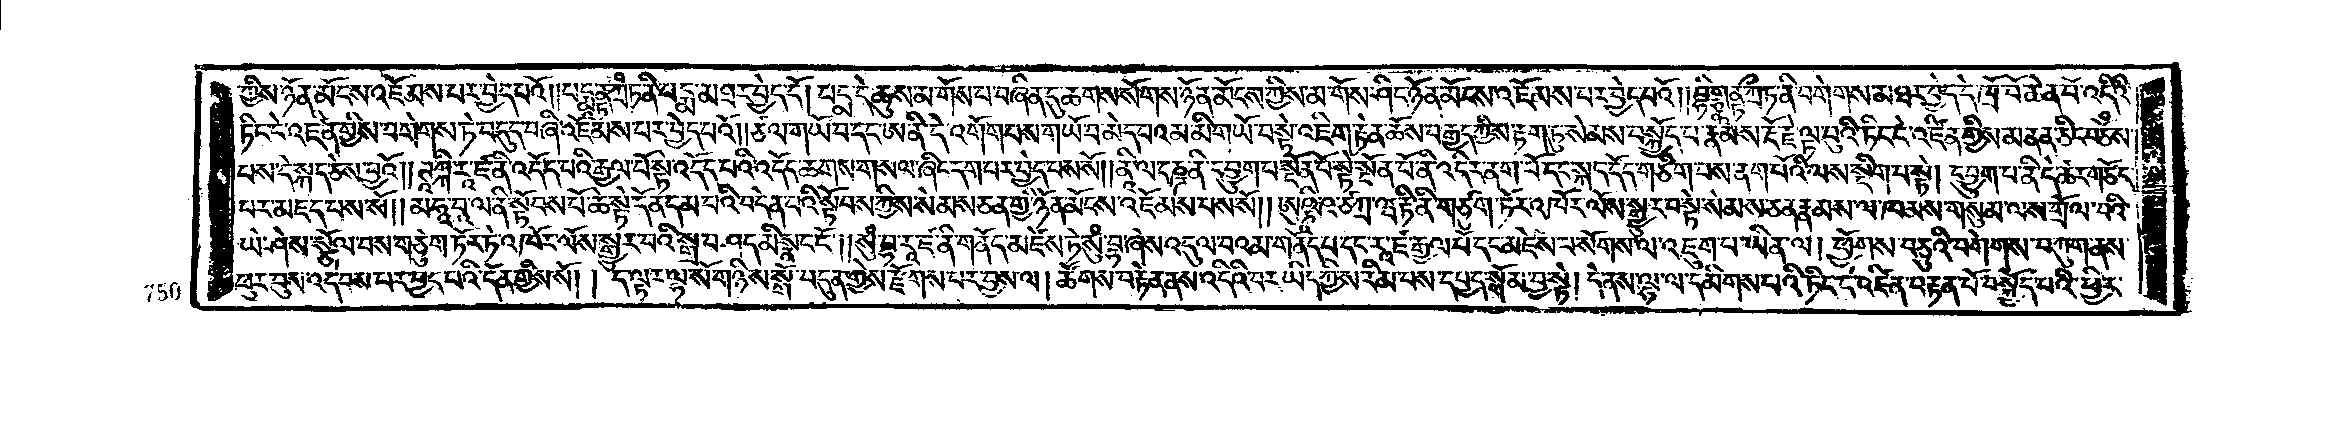ཀྱིས་ཉོན་མོངས་འཇོམས་པར་བྱེད་པའོ། །པདམཱ་ནྟ་ཀྲཾཏ་ནི་པདམ་མཐར་བྱེད་དེ། པདམ་དེ་ཆུས་མ་གོས་པ་བཞིན་དུ་ཆགས་སོགས་ཉོན་མོངས་ཀྱིས་མ་གོས་ཤིང་ཉོན་མོངས་འཇོམས་པར་བྱེད་པའོ། །བྷི་གྷྣཱ་ནྟ་ཀྲྀ་ཏ་ནི་བགེགས་མཐར་བྱེད་དེ་ཁྲོ་བོ་ཆེན་པོ་འདིའི་
ཏིང་ངེ་འཛིན་གྱིས་བགེགས་ཏེ་བདུད་བཞི་འཇོམས་པར་བྱེད་པའོ། །ཙལ་གཡོ་བ་དང་ཨ་ནི་དེ་འགོག་པས་གཡོ་བ་མེད་པའམ་མི་གཡོ་བ་སྟེ་འཇིག་རྟེན་ཆོས་བརྒྱད་ཀྱིས་རྟག་ཏུ་སེམས་བསྐྱོད་པ་རྣམས་རྡོ་རྗེ་ལྟ་བུའི་ཏིང་ངེ་འཛིན་གྱིས་མནན་ཅིང་བཅོམས་
པས་དེ་སྐད་ཅེས་བྱའོ། །ཊཱཀྐི་རཱ་ཛ་ནི་འདོད་པའི་རྒྱལ་པོ་སྟེ་འདོད་པའི་འདོད་ཆགས་གསལ་ཞིང་དག་པར་བྱེད་པས་སོ། །ནཱི་ལ་དཎྜ་ནི་དབྱུག་པ་སྔོན་པོ་སྟེ་སྔོན་པོ་ནི་འདིར་ནག་པོ་དང་སྐད་དོད་གཅིག་པས་ནག་པོའི་ལས་སྡིག་པ་སྟེ། དབྱུག་པ་ནི་དེ་ཚར་གཅོད་
པར་མཛད་པས་སོ། །མཧཱ་བཱ་ལ་ནི་སྟོབས་པོ་ཆེ་སྟེ་དོན་དམ་པའི་བདེན་པའི་སྟོབས་ཀྱིས་སེམས་ཅན་གྱི་ཉོན་མོངས་འཇོམས་པས་སོ། །ཨུཥྞཱི་ཥ་ཙ་ཀྲ་ཝ་རྟི་ནི་གཙུག་ཏོར་འཁོར་ལོས་སྒྱུར་བ་སྟེ་སེམས་ཅན་རྣམས་ལ་ཁམས་གསུམ་ལས་གྲོལ་བའི་
ཡེ་ཤེས་སྩོལ་བས་གཙུག་ཏོར་ཏེ་འཁོར་ལོས་སྒྱུར་བའི་སྒྲ་བཤད་མི་སྣང་ངོ། །སུཾ་བྷ་རཱ་ཛ་ནི་གནོད་མཛེས་ཏེ་སུཾ་བྷ་ཞེས་འདུལ་བའམ་གནོད་པ་དང་རཱ་ཛ་རྒྱལ་པོ་དང་མཛེས་པ་སོགས་ལ་འཇུག་པ་ཡིན་ལ། ཕྱོགས་བཅུའི་བགེགས་བཀུག་ནས་
ཕུར་བུས་འདེབས་པར་བྱེད་པའི་དོན་གྱིས་སོ། །དེ་ལྟར་ལྷ་སོ་གཉིས་སྒོ་བདུན་གྱིས་རྫོགས་པར་བྱས་ལ། ཚོགས་བརྟེན་ནས་འདིའི་བར་ཡིད་ཀྱིས་རིམ་པས་དཔྱད་སྒོམ་བྱ་སྟེ། དེ་ནས་ལྷ་ལ་དམིགས་པའི་ཏིང་ངེ་འཛིན་བརྟན་པོ་བསྐྱེད་པའི་ཕྱིར་